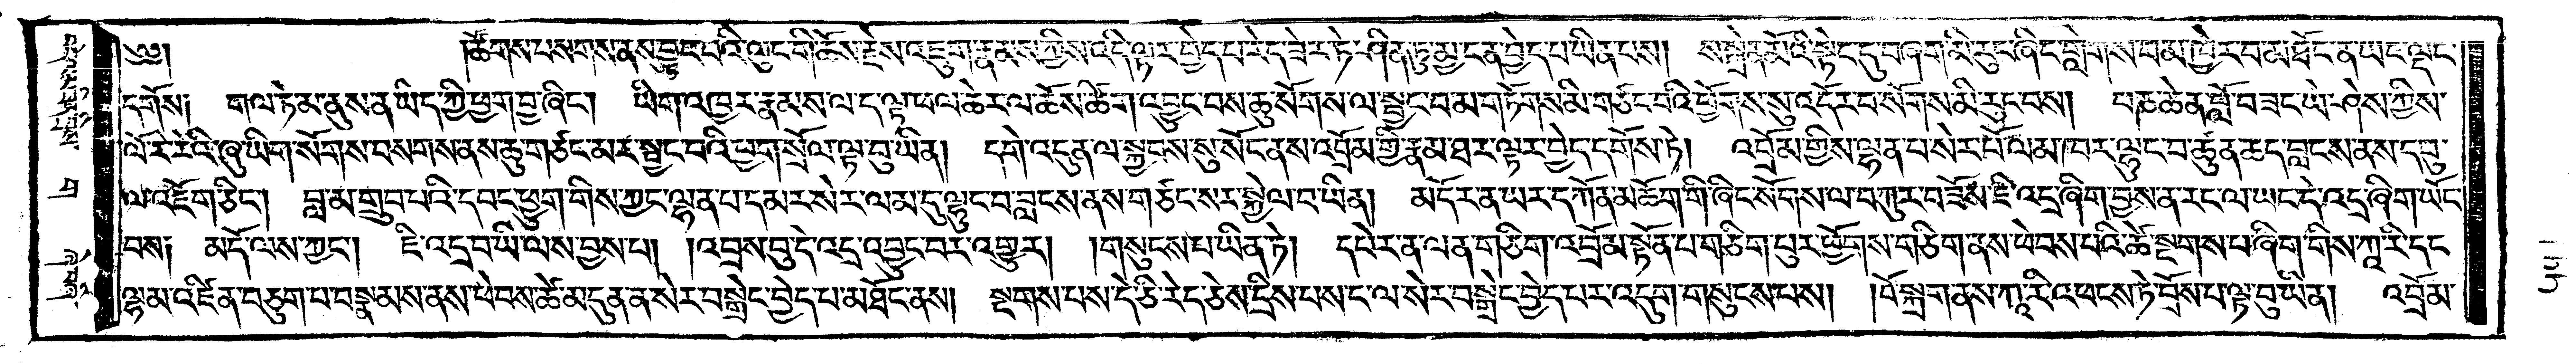༄༅། །ཚོགས་བསགས་ནས་བྱུང་བའི་ལུང་གི་ཆོས་རྗེས་འཇུག་རྣམས་ཀྱིས་འདི་ལྟར་བྱེད་པ་རེད་ཟེར་ཏེ་ཤིན་ཏུ་མྱ་ངན་བྱེད་པ་ཡིན་པས། ས་སྒྲེན་མོའི་སྟེང་དུ་བཞག་མི་རུང་ཞིང་གླེགས་བམ་ཁྱེར་བ་མཐོང་ན་ཡང་ལྡང་
དགོས༑ གལ་ཏེ་མ་ནུས་ན་ཡིད་ཀྱི་ཕྱག་བྱ་ཞིང་། ཡིག་འཁྱར་རྣམས་ལ་ད་ལྟ་ཕལ་ཆེར་ལ་ཆོས་ཚིག་འབྱུང་བས་ཆུ་སོགས་ལ་སྦྱང་བ་མ་གཏོགས་མི་གཙང་བའི་ཕྱོགས་སུ་འདོར་བ་སོགས་མི་རུང་བས། པཎ་ཆེན་བློ་བཟང་ཡེ་ཤེས་ཀྱིས་
ལོ་རེ་རེའི་ཞུ་ཡིག་སོགས་བསགས་ནས་ཆུ་གཙང་མར་སྦྱང་བའི་ཕྱག་སྲོལ་ལྟ་བུ་ཡིན། དགེ་འདུན་ལ་སྐྱབས་སུ་སོང་ནས་འབྲོམ་གྱི་རྣམ་ཐར་ལྟར་བྱེད་དགོས་ཏེ། འབྲོམ་གྱིས་ལྷན་པ་སེར་པོ་ལམ་ཁར་ལྷུང་བ་ཚུན་ཆད་བླངས་ནས་དཔུ་
ལ་འཇོག་ཅིང་། བླ་མ་གྲུབ་པའི་དབང་ཕྱུག་གིས་ཀྱང་ལྷན་པ་དམར་སེར་ལམ་དུ་ལྷུང་བ་བླངས་ནས་གཙང་སར་སྐྱེལ་བ་ཡིན། མདོར་ན་ཡར་དཀོན་མཆོག་གི་ཞིང་སོགས་ལ་བཀུར་བཟོས་ཇི་འདྲ་ཞིག་བྱས་ན་རང་ལ་ཡང་དེ་འདྲ་ཞིག་ཡོང་
བས༑ མདོ་ལས་ཀྱང་། ཇི་འདྲ་བ་ཡི་ལས་བྱས་པ། །འབྲས་བུ་དེ་འདྲ་འབྱུང་བར་འགྱུར། །གསུངས་པ་ཡིན་ཏེ། དཔེར་ན་ལན་གཅིག་འབྲོམ་སྟོན་པ་གཅིག་པུར་ཕྱོགས་གཅིག་ནས་ཕེབས་པའི་ཚེ་སྔགས་པ་ཞིག་གིས་ཀཱ་རི་དང་
ལྷམ་འཛིན་བཅུག་པ་བསྣམས་ནས་ཕེབས་ཚེ་མདུན་ན་སེར་བསྒྲེང་བྱེད་པ་མཐོང་ནས། སྔགས་པས་དེ་ཅི་རེད་ཅེས་དྲིས་པས་ང་ལ་སེར་བསྒྲེང་བྱེད་པར་འདུག་གསུངས་པས། །བོ་སྐྲག་ནས་ཀཱ་རྭི་འཕངས་ཏེ་བྲོས་པ་ལྟ་བུ་ཡིན། འབྲོམ་